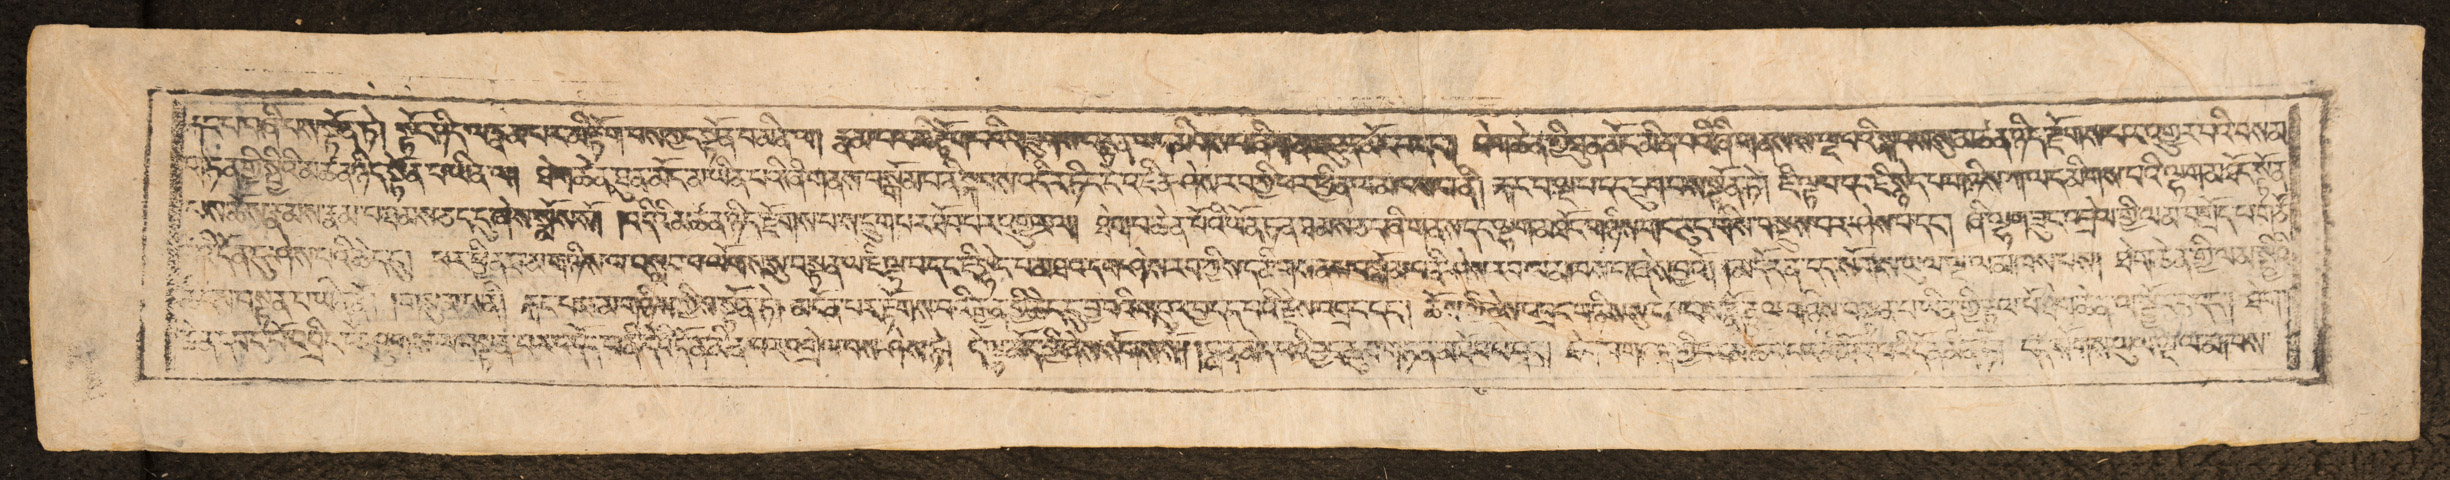རྐང་པ་བཞི་པས་སྟོན་ཏེ། སྟོང་ཉིད་ལ་རྣམ་པར་མི་རྟོག་པས་ཀྱང་སྟོན་པ་མིན་ལ། རྣམ་པར་མི་རྟོག་པའི་གཟུགས་བརྙན་ལ་དམིགས་པ་ཞི་གནས་ཐུན་མོང་བ་དང་། ཐེག་ཆེན་གྱི་ཐུན་མོང་མིན་པའི་ཞི་གནས་ས་ལྔ་པའི་སྐབས་སུ་མཚན་ཉིད་རྫོགས་པར་འགྱུར་བའི་བསམ་
གཏན་གྱི་སྤྱིའི་མཚན་ཉིད་སྟོན་པ་ཡིན་ལ། ཐེག་ཆེན་ཐུན་མོང་མ་ཡིན་པའི་ཞི་གནས་བསྒོམ་པ་ནི་སྐབས་འདིར་ཏིང་ངེ་འཛིན་ཤེས་རབ་ཀྱི་ཕར་ཕྱིན་ལ་མཁས་པ་ནི། རྐང་པ་ལྔ་པ་དང་དྲུག་པས་སྟོན་ཏེ། ཇི་ལྟ་བ་དང་ཇི་སྙེད་པ་གཉིས་ཀ་ལ་དམིགས་པའི་ལྷག་མཐོང་སྟོན་
པས་ཆོས་རྣམས་རྣམ་པ་ཐམས་ཅད་དུ་ཞེས་སྨོས་སོ། །འདིའི་མཚན་ཉིད་རྫོགས་པ་ས་དྲུག་པར་ཐོབ་པར་འགྱུར་ལ། ཐེག་པ་ཆེན་པོའི་ཡོན་ཏན་ཐམས་ཅད་ཞི་གནས་དང་ལྷག་མཐོང་གཉིས་གང་རུང་གིས་བསྡུས་པར་ཤེས་པ་དང་། ཞི་ལྷག་ཟུང་འབྲེལ་གྱི་ལམ་བགྲོད་པ་གཙོ་
བོའི་དོན་དུ་ཤེས་པའི་ཆེད་དུ། ཕར་ཕྱིན་ཐ་མ་གཉིས་ལ་བསླབ་པ་ལོགས་སུ་བསྟན་ལ་ཇི་ལྟ་བ་དང་ཇི་སྙེད་པ་མཐའ་དག་ཤེས་རབ་ཀྱིས་དམིགས་ནས་བསྒོམ་པ་ནི་ཤེས་རབ་ལ་མཁས་པ་ཞེས་བྱའོ། །མདོར་ན་དད་སོགས་ཡུལ་ལྔ་ལ་མཁས་པས། ཐེག་ཆེན་གྱི་ལམ་སྤྱིའི་
ཆིངས་བསྟན་པ་ཡིན་ནོ། །གསུམ་པ་ནི། རྐང་པ་ཐ་མ་གཉིས་ཀྱིས་སྟོན་ཏེ། མངོན་པར་རྟོགས་པའི་རྒྱན་གྱི་ཆེད་དུ་བྱ་བའི་གདུལ་བྱ་དད་པའི་རྗེས་འབྲང་དང་། ཆོས་ཀྱི་རྗེས་འབྲང་གཉིས་སུ་ངེས་པས་རྣོ་རྟུལ་གཉིས་བསྟན་པ་ཡིན་གྱི་རྟུལ་པོ་ཐེག་ཆེན་ལ་སྦྱོར་བ་དང་། ཐེག་
ཆེན་དབང་པོ་འབྲིང་པོ་ཤུགས་ལ་བསྟན་པར་འདོད་པ་ནི་དེའི་དོན་མིན་པར་འགྲེལ་པས་ཤེས་ཏེ། དེ་ལྟ་མོད་ཀྱི་ཞེས་སོགས་སོ། །བླ་ན་མེད་པའི་བྱང་ཆུབ་གཏན་མ་ཐོབ་པ་དང་། ཐེག་པ་གཞན་གྱི་བར་མ་ཆད་པར་མི་ཐོབ་པའི་དོན་མིན་ཏེ། དད་སོགས་ཡུལ་ལྔ་ལ་མཁས་